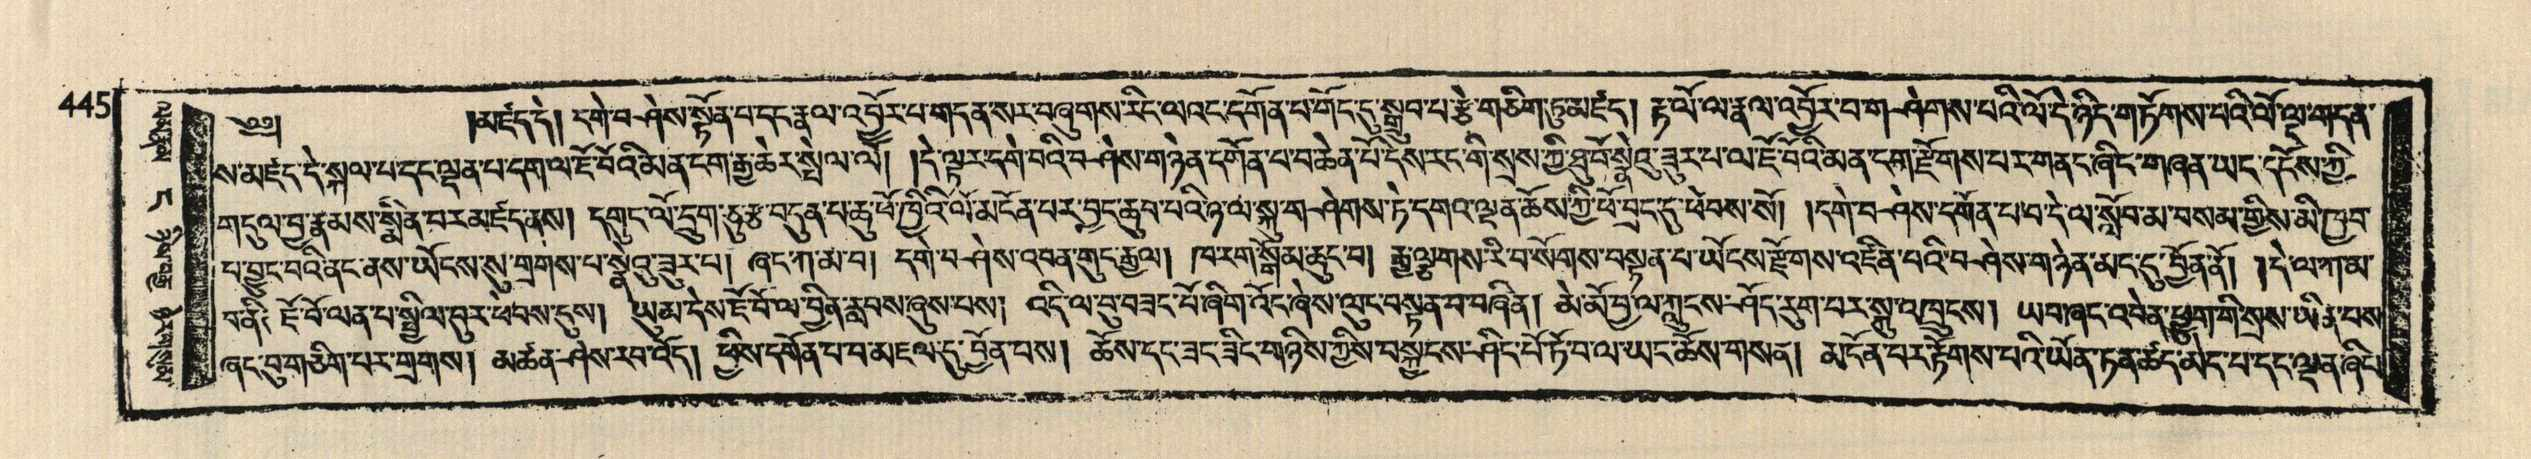༄༅། །མཛད་དེ། དགེ་བཤེས་སྟོན་པ་དང་རྣལ་འབྱོར་པ་གདན་སར་བཞུགས་རིང་ལའང་དགོན་པ་གོང་དུ་སྒྲུབ་པ་རྩེ་གཅིག་ཏུ་མཛད། རྟ་ལོ་ལ་རྣལ་འབྱོར་བ་གཤེགས་པའི་ལོ་དེ་ཉིད་གཏོགས་པའི་ལོ་ལྔ་གདན་
ས་མཛད་དེ་སྐལ་པ་དང་ལྡན་པ་དག་ལ་ཇོ་བོའི་མན་ངག་རྒྱ་ཆེར་སྤེལ་ལོ། །དེ་ལྟར་དགེ་བའི་བཤེས་གཉེན་དགོན་པ་བ་ཆེན་པོ་དེས་རང་གི་སྲས་ཀྱི་ཐུ་བོ་སྣེའུ་ཟུར་པ་ལ་ཇོ་བོའི་མན་ངག་རྫོགས་པར་གནང་ཞིང་གཞན་ཡང་དངོས་ཀྱི་
གདུལ་བྱ་རྣམས་སྨིན་བར་མཛད་ནས། དགུང་ལོ་དྲུག་ཅུ་རྩ་བདུན་པ་ཆུ་ཕོ་ཁྱིའི་ལོ་མངོན་པར་བྱང་ཆུབ་པའི་ཉ་ལ་སྐུ་གཤེགས་ཏེ་དགའ་ལྡན་ཆོས་ཀྱི་ཕོ་བྲང་དུ་ཕེབས་སོ། །དགེ་བཤེས་དགོན་པ་བ་དེ་ལ་སློབ་མ་བསམ་གྱིས་མི་ཁྱབ་
པ་བྱུང་བའི་ནང་ནས་ཡོངས་སུ་གྲགས་པ་སྣེའུ་ཟུར་པ། ཞང་ཀ་མ་བ། དགེ་བཤེས་འབན་གུང་རྒྱལ། ཁ་རག་སྒོམ་ཆུང་བ། རྒྱ་ལྕགས་རི་བ་སོགས་བསྟན་པ་ཡོངས་རྫོགས་འཛིན་པའི་བཤེས་གཉེན་མང་དུ་བྱོན་ནོ། །དེ་ལ་ཀ་མ་
བ་ནི༑ ཇོ་བོ་ལན་པ་སྤྱིལ་བུར་ཕེབས་དུས། ཡུམ་དེས་ཇོ་བོ་ལ་བྱིན་རླབས་ཞུས་པས། འདི་ལ་བུམ་བཟང་པོ་ཞིག་འོང་ཞེས་ལུང་བསྟན་བ་བཞིན། མེ་མོ་བྱ་ལ་ཀླུངས་ཤིད་རུག་པར་སྐུ་འཁྲུངས། ཡབ་ཞང་འབེན་ཕྱུག་གི་སྲས་ཡིན་པས་
ཞང་བུ་གཅིག་པར་གྲགས། མཚན་ཤེས་རབ་འོད། ཕྱིས་དགོན་པ་བ་མཇལ་དུ་བྱོན་བས། ཆོས་དན་ཟང་ཟིང་གཉིས་ཀྱིས་བསྐྱངས་ཤིང་པོ་ཏོ་བ་ལ་ཡང་ཆོས་གསན། མངོན་པར་རྟོགས་པའི་ཡོན་ཏན་ཚད་མེད་པ་དང་ལྡན་ཞིང་།